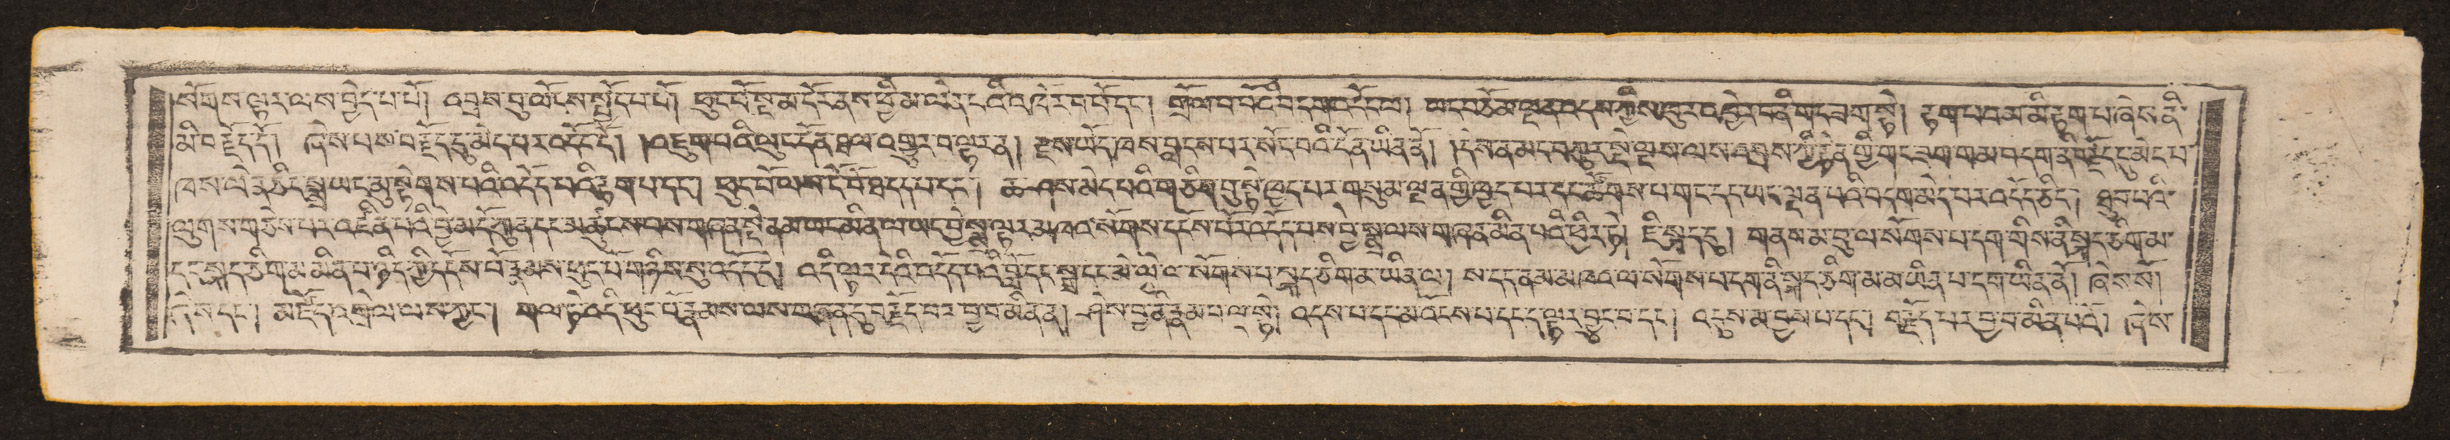སོགས་ལྟར་ལས་བྱེད་པ་པོ། འབྲས་བུ་ལོངས་སྤྱོད་པ་པོ། ཕུང་པོ་སྔ་མ་དོར་ནས་ཕྱི་མ་ལེན་པའི་འཁོར་འཕོ་དང་། གྲོལ་བ་པོའི་བདག་འདོད་ལ། ཡང་བཅོམ་ལྡན་འདས་ཀྱིས་ཁུར་འཁྱེར་བ་ནི་གང་ཟག་སྟེ། རྟག་པའམ་མི་རྟག་པ་ཞེས་ནི་
མི་བརྗོད་དོ། ཞེས་པས་བརྗོད་དུ་མེད་པར་འདོད་དོ། །འཇུག་པའི་ལུང་དོན་ཐལ་འགྱུར་བ་ལྟར་ན། རྫས་ཡོད་ཁས་བླངས་པར་སོང་བའི་དོན་ཡིན་ནོ། །དེས་ན་མང་བཀུར་སྡེ་ལྔས་ལས་འབྲས་ཀྱི་རྟེན་གྱི་གང་ཟག་གམ་བདག་ནི་བརྗོད་དུ་མེད་པ་
ཁས་ལེན་ཅིང་སྨྲ་ཡང་མུ་སྟེགས་པའི་འདོད་པའི་རྟག་པ་དང་། ཕུང་པོ་ལས་ངོ་བོ་ཐ་དད་པ་དང་། ཆ་ཤས་མེད་པའི་གཅིག་བུ་སྟེ་ཁྱད་པར་གསུམ་ལྡན་གྱི་ཁྱད་པར་དང་ཚོགས་པ་གང་དང་ཡང་ལྡན་པའི་བདག་མེད་པར་འདོད་ཅིང་། ཐུབ་པའི་
ལུགས་གཅེས་པར་འཛིན་པའི་བྱེ་མདོ་ཀུན་དང་མཚུངས་པས་གཞན་སྡེ་ན་མ་ཡང་མིན་ལ་ཡང་བྱེ་སྨྲ་ལྟར་མཁའ་སོགས་དངོས་པོར་འདོད་པས་བྱེ་སྨྲ་ལས་གཞན་མིན་པའི་ཕྱིར་ཏེ། ཇི་སྐད་དུ། གནས་མ་བུ་ལ་སོགས་པ་དག་གིས་ནི་སྐད་ཅིག་མ་
དང་སྐད་ཅིག་མ་མིན་པ་ཉིད་ཀྱི་དངོས་པོ་རྣམས་ཕུང་པོ་གཉིས་སུ་འདོད་དེ། འདི་ལྟར་དེའི་འདོད་པའི་བློ་དང་སྒྲ་དང་མེ་ལྕེ་ལ་སོགས་པ་སྐད་ཅིག་མ་ཡིན་ལ། ས་དང་ནམ་མཁའ་ལ་སོགས་པ་དག་ནི་སྐད་ཅིག་མ་མ་ཡིན་པ་དག་ཡིན་ནོ། ཞེས་སོ།
ཞེས་དང་། མཛོད་འགྲེལ་ལས་ཀྱང་། གལ་ཏེ་འདི་ཕུང་པོ་རྣམས་ལས་གཞན་དུ་བརྗོད་པར་བྱ་བ་མིན་ན། ཤེས་བྱ་ནི་རྣམ་པ་ལྔ་སྟེ། འདས་པ་དང་མ་འོངས་པ་དང་ད་ལྟར་བྱུང་བ་དང་། འདུས་མ་བྱས་པ་དང་། བརྗོད་པར་བྱ་བ་མིན་པའོ། ཞེས་